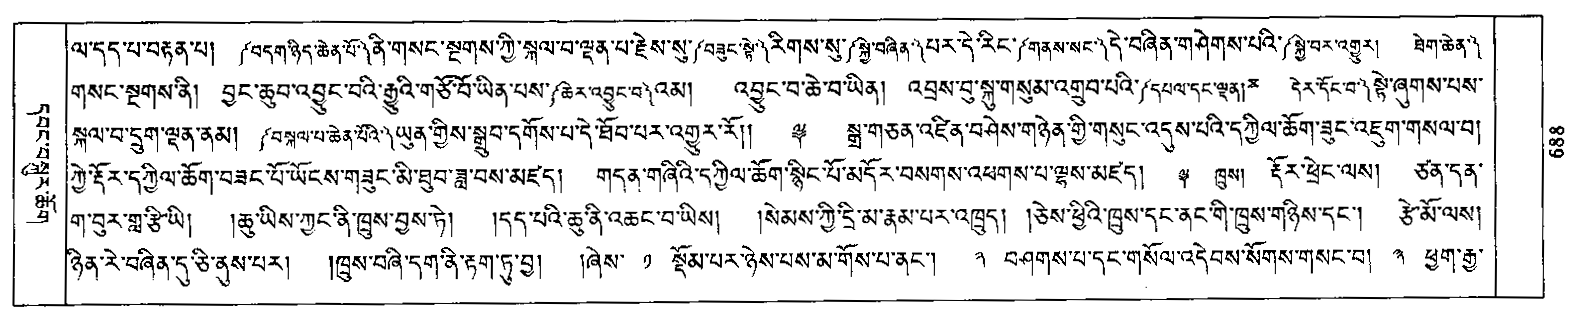ལ་དད་པ་བརྟན་པ། ༼བདག་ཉིད་ཆེན་པ྄ོ་ནི་གསང་སྔགས་ཀྱི་སྐལ་བ་ལྡན་པ་རྗེས་སུ་༽བཟུང་སྟ྄ེ་རིགས་སུ ༼སྐྱེ་བཞིན྄་པར་དེ་རིང་༽གནས་སང྄་དེ་བཞིན་གཤེགས་པའི་སྐྱེ་བར་འགྱུར། ཐེག་ཆེན྄
གསང་སྔགས་ནི། བྱང་ཆུབ་འབྱུང་བའི་རྒྱུའི་གཙོ་བོ་ཡིན་པས ༼ཆེར་འབྱུང་བ྄་འམ། འབྱུང་བ་ཆེ་བ་ཡིན། འབྲས་བུ་སྐུ་གསུམ་འགྲུབ་པའི་༽དཔལ་དང་ལྡན། ྾་དེར་དོང་བ྄་སྟེ་ཞུགས་པས་
སྐལ་བ་དྲུག་ལྡན་ནམ། བསྐལ་པ་ཆེན་པོའ྄ི་ཡུན་གྱིས་སྒྲུབ་དགོས་པ་དེ་ཐོབ་པར་འགྱུར་རོ།། ༈ སྒྲ་གཅན་འཛིན་བཤེས་གཉེན་གྱི་གསུང་འདུས་པའི་དཀྱིལ་ཆོག་ཟུང་འཇུག་གསལ་བ།
ཀྱེ་རྡོར་དཀྱིལ་ཆོག་བཟང་པོ་ཡོངས་གཟུང་མི་ཐུབ་ཟླ་བས་མཛད། གདན་གཞིའི་དཀྱིལ་ཆོག་སྙིང་པོ་མདོར་བསགས་འཕགས་པ་ལྷས་མཛད། ༈ ཁྲུས། རྡོར་ཕྲེང་ལས། ཙན་དན་
ག་བུར་གླ་རྩི་ཡི། །ཆུ་ཡིས་ཀྱང་ནི་ཁྲུས་བྱས་ཏེ། །དད་པའི་ཆུ་ནི་འཆང་བ་ཡིས། །སེམས་ཀྱི་དྲི་མ་རྣམ་པར་འཁྲུད། །ཅེས་ཕྱིའི་ཁྲུས་དང་ནང་གི་ཁྲུས་གཉིས་དང་། རྩེ་མོ་ལས།
ཉིན་རེ་བཞིན་དུ་ཅི་ནུས་པར། །ཁྲུས་བཞི་དག་ནི་རྟག་ཏུ་བྱ། །ཞེས ༡་སྡོམ་པར་ཉེས་པས་མ་གོས་པ་ནང་། ༢་བཤགས་པ་དང་གསོལ་འདེབས་སོགས་གསང་བ། ༣་ཕྱག་རྒྱ་